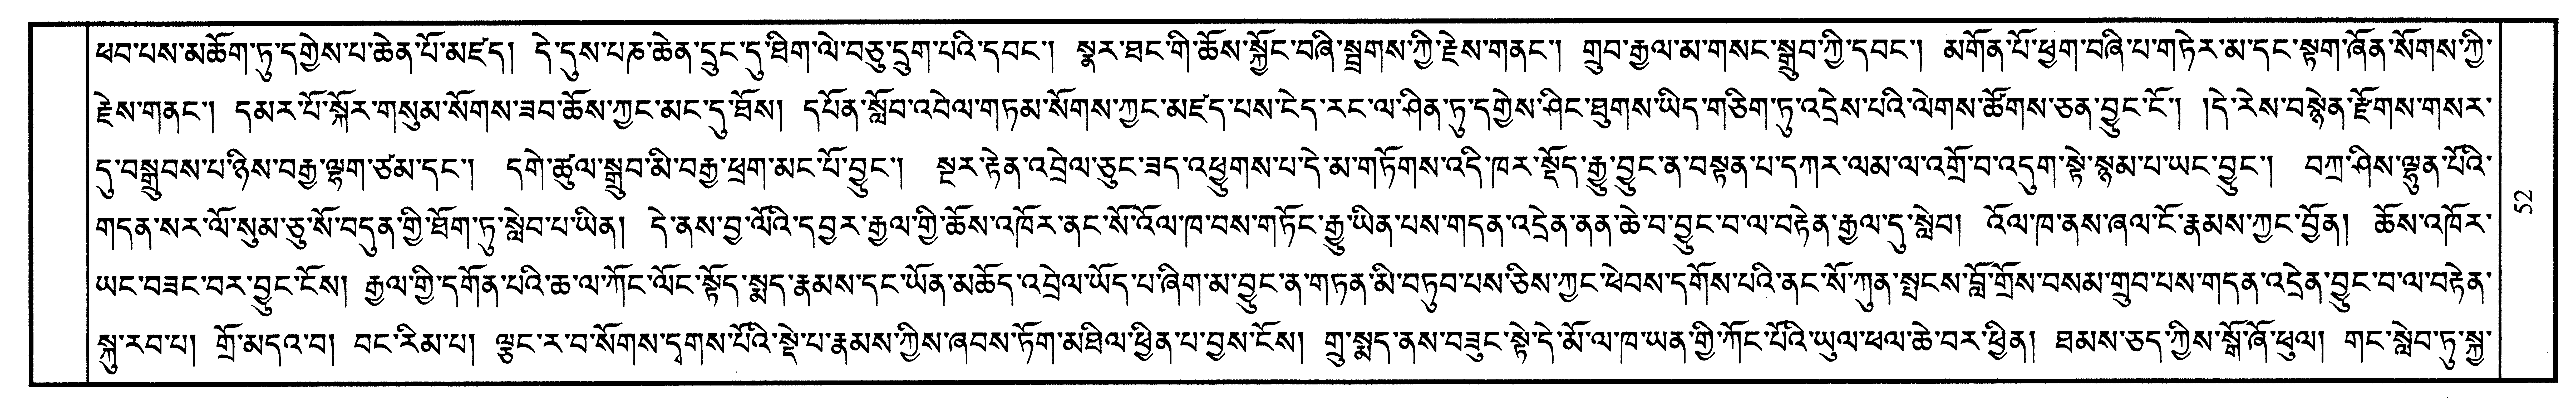ཕབ་པས་མཆོག་ཏུ་དགྱེས་པ་ཆེན་པོ་མཛད། དེ་དུས་པཎ་ཆེན་དྲུང་དུ་ཐིག་ལེ་བཅུ་དྲུག་པའི་དབང་། སྣར་ཐང་གི་ཆོས་སྐྱོང་བཞི་སྦྲགས་ཀྱི་རྗེས་གནང་། གྲུབ་རྒྱལ་མ་གསང་སྒྲུབ་ཀྱི་དབང་། མགོན་པོ་ཕྱག་བཞི་པ་གཏེར་མ་དང་སྟག་ཞོན་སོགས་ཀྱི་
རྗེས་གནང་། དམར་པོ་སྐོར་གསུམ་སོགས་ཟབ་ཆོས་ཀྱང་མང་དུ་ཐོས། དཔོན་སློབ་འབེལ་གཏམ་སོགས་ཀྱང་མཛད་པས་ངེད་རང་ལ་ཤིན་ཏུ་དགྱེས་ཤིང་ཐུགས་ཡིད་གཅིག་ཏུ་འདྲེས་པའི་ལེགས་ཚོགས་ཅན་བྱུང་ངོ། །དེ་རེས་བསྙེན་རྫོགས་གསར་
དུ་བསྒྲུབས་པ་ཉིས་བརྒྱ་ལྷག་ཙམ་དང་། དགེ་ཚུལ་སྒྲུབ་མི་བརྒྱ་ཕྲག་མང་པོ་བྱུང་། སྔར་རྟེན་འབྲེལ་ཅུང་ཟད་འཕྱུགས་པ་དེ་མ་གཏོགས་འདི་ཁར་སྡོད་རྒྱུ་བྱུང་ན་བསྟན་པ་དཀར་ལམ་ལ་འགྲོ་བ་འདུག་སྟེ་སྙམ་པ་ཡང་བྱུང་། བཀྲ་ཤིས་ལྷུན་པོའི་
གདན་སར་ལོ་སུམ་ཅུ་སོ་བདུན་གྱི་ཐོག་ཏུ་སླེབ་པ་ཡིན། དེ་ནས་བྱ་ལོའི་དབྱར་རྒྱལ་གྱི་ཆོས་འཁོར་ནང་སོ་འོལ་ཁ་བས་གཏོང་རྒྱུ་ཡིན་པས་གདན་འདྲེན་ནན་ཆེ་བ་བྱུང་བ་ལ་བརྟེན་རྒྱལ་དུ་སླེབ། འོལ་ཁ་ནས་ཞལ་ངོ་རྣམས་ཀྱང་བྱོན། ཆོས་འཁོར་
ཡང་བཟང་བར་བྱུང་ངོས། རྒྱལ་གྱི་དགོན་པའི་ཆ་ལ་ཀོང་ལོང་སྟོད་སྨད་རྣམས་དང་ཡོན་མཆོད་འབྲེལ་ཡོད་པ་ཞིག་མ་བྱུང་ན་གཏན་མི་བཏུབ་པས་ཅིས་ཀྱང་ཕེབས་དགོས་པའི་ནང་སོ་ཀུན་སྤངས་བློ་གྲོས་བསམ་གྲུབ་པས་གདན་འདྲེན་བྱུང་བ་ལ་བརྟེན་
སྐུ་རབ་པ། གྲོ་མདའ་བ། བང་རིམ་པ། ལྕང་ར་བ་སོགས་དྭགས་པོའི་སྡེ་པ་རྣམས་ཀྱིས་ཞབས་ཏོག་མཐིལ་ཕྱིན་པ་བྱས་ངོས། གྲུ་སྨད་ནས་བཟུང་སྟེ་དེ་མོ་ལ་ཁ་ཡན་གྱི་ཀོང་པོའི་ཡུལ་ཕལ་ཆེ་བར་ཕྱིན། ཐམས་ཅད་ཀྱིས་སྒོ་ཞོ་ཕུལ། གང་སླེབ་ཏུ་སྐྱ་